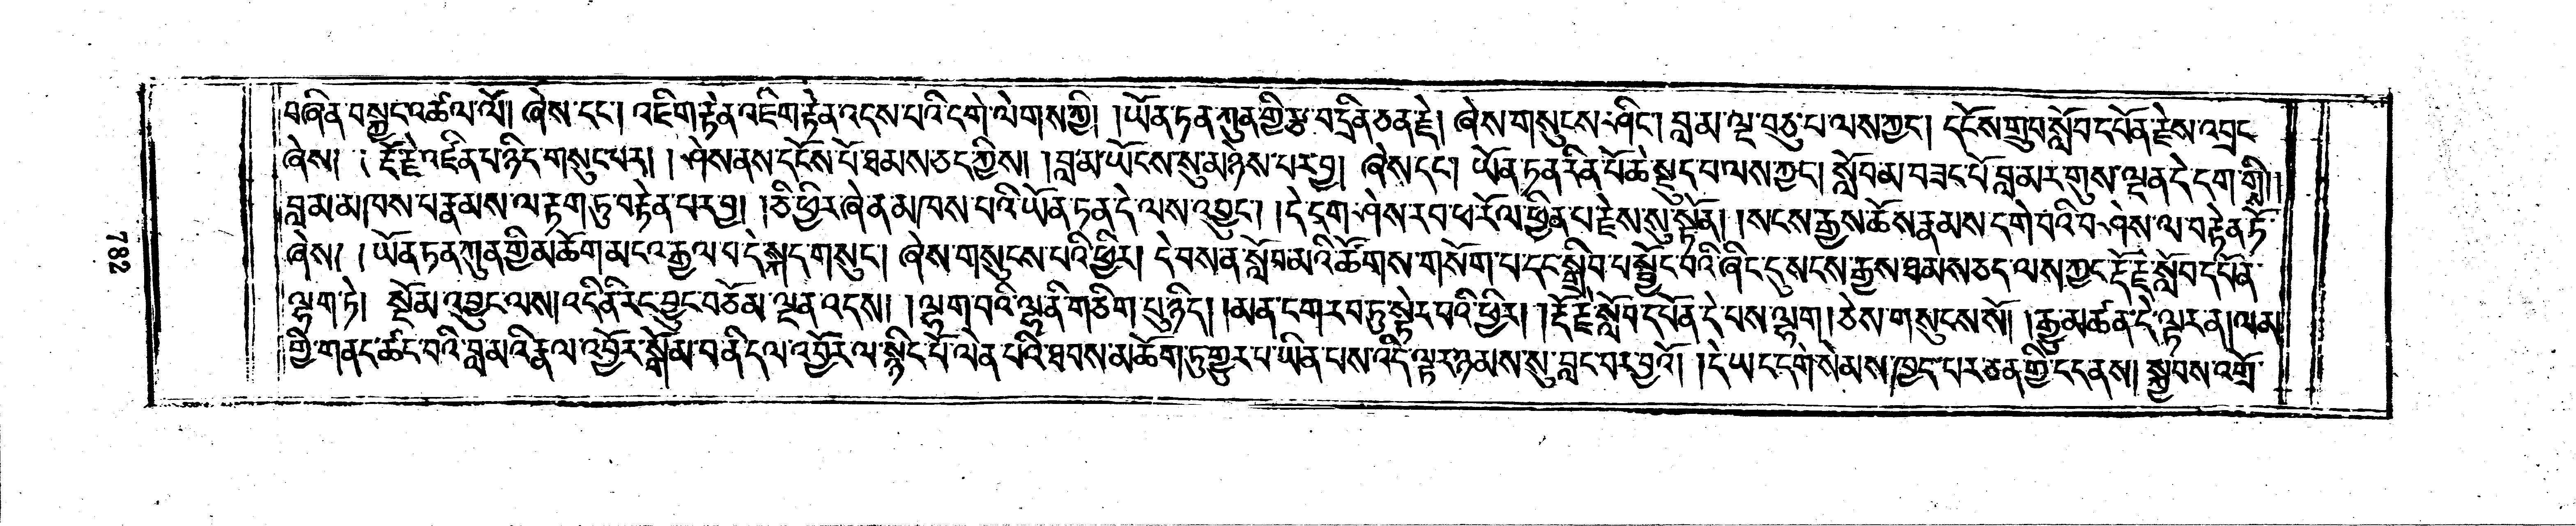བཞིན་བསྐྱང་འཚལ་ལོ། ཞེས་དང་། འཇིག་རྟེན་འཇིག་རྟེན་འདས་པའི་དགེ་ལེགས་ཀྱི། །ཡོན་ཏན་ཀུན་གྱི་རྩ་བ་དྲིན་ཅན་རྗེ། ཞེས་གསུངས་ཤིང་། བླ་མ་ལྔ་བཅུ་པ་ལས་ཀྱང་། དངོས་གྲུབ་སློབ་དཔོན་རྗེས་འབྲང་
ཞེས། །རྡོ་རྗེ་འཛིན་པ་ཉིད་གསུང་བར། །ཤེས་ནས་དངོས་པོ་ཐམས་ཅད་ཀྱིས། །བླ་མ་ཡོངས་སུ་མཉེས་པར་བྱ། ཞེས་དང་། ཡོན་ཏན་རིན་པོ་ཆེ་སྡུད་པ་ལས་ཀྱང་། སློབ་མ་བཟང་པོ་བླ་མར་གུས་ལྡན་དེ་དག་གི། །
བླ་མ་མཁས་པ་རྣམས་ལ་རྟག་ཏུ་བརྟེན་པར་བྱ། །ཅི་ཕྱིར་ཞེ་ན་མཁས་པའི་ཡོན་ཏན་དེ་ལས་འབྱུང་། །དེ་དག་ཤེས་རབ་ཕ་རོལ་ཕྱིན་པ་རྗེས་སུ་སྟོན། །སངས་རྒྱས་ཆོས་རྣམས་དགེ་བའི་བཤེས་ལ་བརྟེན་ཏོ་
ཞེས། །ཡོན་ཏན་ཀུན་གྱི་མཆོག་མངའ་རྒྱལ་བ་དེ་སྐད་གསུང་། ཞེས་གསུངས་པའི་ཕྱིར། དེ་བས་ན་སློབ་མའི་ཚོགས་གསོག་པ་དང་སྒྲིབ་པ་སྦྱོང་བའི་ཞིང་དུ་སངས་རྒྱས་ཐམས་ཅད་ལས་ཀྱང་རྡོ་རྗེ་སློབ་དཔོན་
ལྷག་ཏེ། སྡོམ་འབྱུང་ལས། འདི་ནི་རང་བྱུང་བཅོམ་ལྡན་འདས། །ལྷག་པའི་ལྷ་ནི་གཅིག་པུ་ཉིད། །མན་ངག་རབ་ཏུ་སྟེར་བའི་ཕྱིར། །རྡོ་རྗེ་སློབ་དཔོན་དེ་བས་ལྷག །ཅེས་གསུངས་སོ། །རྒྱུ་མཚན་དེ་ལྟར་ན། ལམ་
གྱི་གནད་ཚང་པའི་བླ་མའི་རྣལ་འབྱོར་སྒོམ་པ་ནི་དལ་འབྱོར་ལ་སྙིང་པོ་ལེན་པའི་ཐབས་མཆོག་ཏུ་གྱུར་པ་ཡིན་པས་འདི་ལྟར་ཉམས་སུ་བླང་བར་བྱའོ། །དེ་ཡང་དགེ་སེམས་ཁྱད་པར་ཅན་གྱི་ངང་ནས། སྐྱབས་འགྲོ་